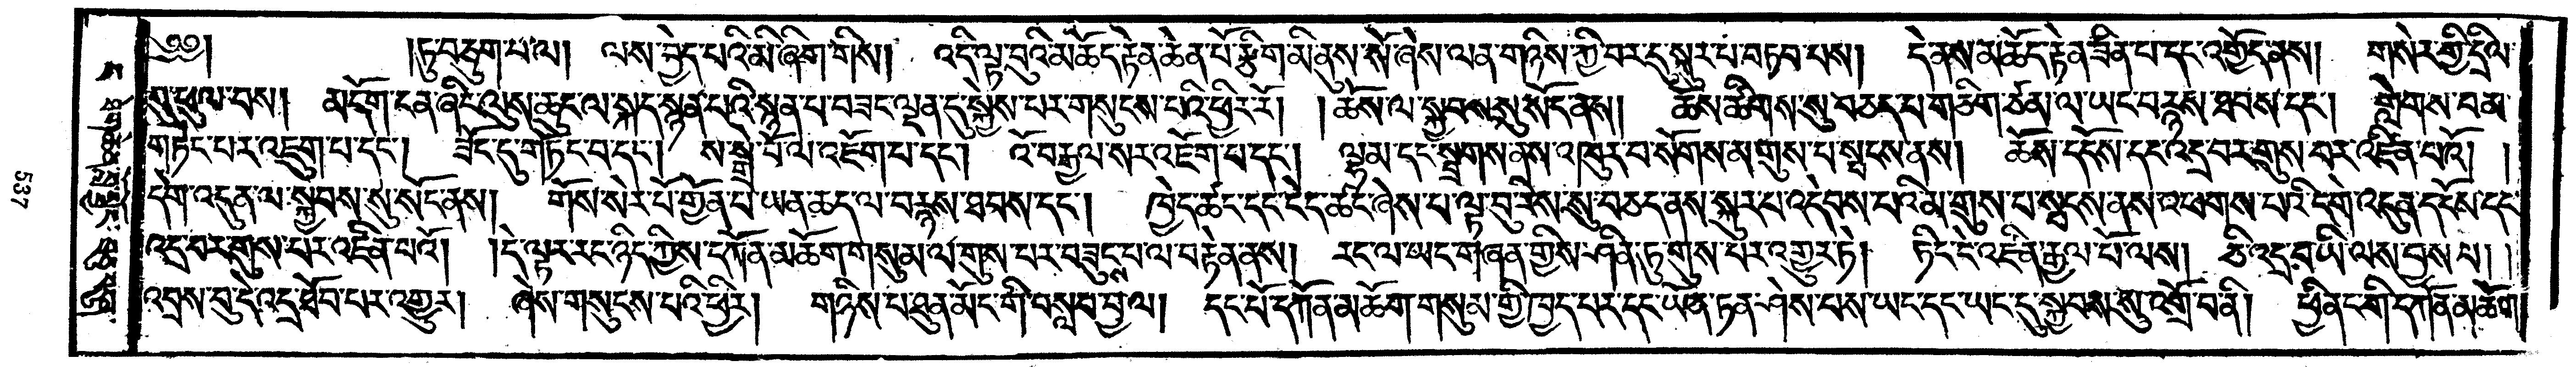༄༅། །ཏུ་བཅུག་པ་ལ། ལས་བྱེད་པའི་མི་ཞིག་གིས། འདི་ལྟ་བུའི་མཆོད་རྟེན་ཆེན་པོ་རྩིག་མི་ནུས་སོ་ཞེས་ལན་གཉིས་ཀྱི་བར་དུ་སྐུར་བ་བཏབ་པས། དེ་ནས་མཆོད་རྟེན་ཟིན་པ་དང་འགྱོད་ནས། གསེར་གྱི་དྲིལ་
བུ་ཕུལ་བས། མདོག་ངན་ཞིང་ལུས་ཆུང་ལ་སྐད་སྙན་པའི་སྙན་པ་བཟང་ལྡན་དུ་སྐྱེས་པར་གསུངས་པའི་ཕྱིར་རོ། །ཆོས་ལ་སྐྱབས་སུ་སོང་ནས། ཆོས་ཚིགས་སུ་བཅད་པ་གཅིག་ཙམ་ལ་ཡང་བརྙས་ཐབས་དང་། གླེགས་བམ་
གཏེང་པར་འཇུག་པ་དང་། ཟོང་དུ་གཏོང་བ་དང་། ས་སྒྲེ་པོ་ལ་འཇོག་པ་དང་། འོ་བརྒྱལ་སར་འཇོག་པ་དང་། ལྷ་མ་དང་སྦྲགས་ནས་འཁུར་བ་སོགས་མགུས་པ་སྤངས་ནས། ཆོས་དངོས་དང་འདྲ་བར་གུས་པར་འཛིན་པའོ། །
དགེ་འདུན་ལ་སྐྱབས་སུ་སོང་ནས། གོས་སེར་པོ་གྱོན་པ་ཡན་ཆད་ལ་བརྙས་ཐབས་དང་། ཁྱེད་ཚང་དང་ངེད་ཚང་ཞེས་པ་ལྟ་བུ་རིས་སུ་བཅད་ནས་སྐུར་པ་འདེབས་པའི་མ་གུས་པ་སྤངས་ནས་འཕགས་པའི་དགེ་འདུན་དངོས་དང་
འདྲ་བར་གུས་པར་འཛིན་པའོ། །དེ་ལྟར་རང་ཉིད་ཀྱིས་དཀོན་མཆོག་གསུམ་ལ་གུས་པར་བཟུངས་པ་ལ་བརྟེན་ནས། རང་ལ་ཡང་གཞན་གྱིས་ཤིན་ཏུ་གུས་པར་འགྱུར་ཏེ། ཏིང་ངེ་འཛིན་རྒྱལ་པོ་ལས། ཅི་འདྲ་བ་ཡི་ལས་བྱས་པ།།
འབྲས་བུ་དེ་འདྲ་ཐོབ་པར་འགྱུར། ཞེས་གསུངས་པའི་ཕྱིར། གཉིས་པ་ཐུན་མོང་གི་བསླབ་བྱ་ལ། དང་པོ་དཀོན་མཆོག་གསུམ་གྱི་ཁྱད་པར་དང་ཡོན་ཏན་ཤེས་པས་ཡང་དང་ཡང་དུ་སྐྱབས་སུ་འགྲོ་བ་ནི། ཕྱི་ནང་གི་དཀོན་མཆོག་